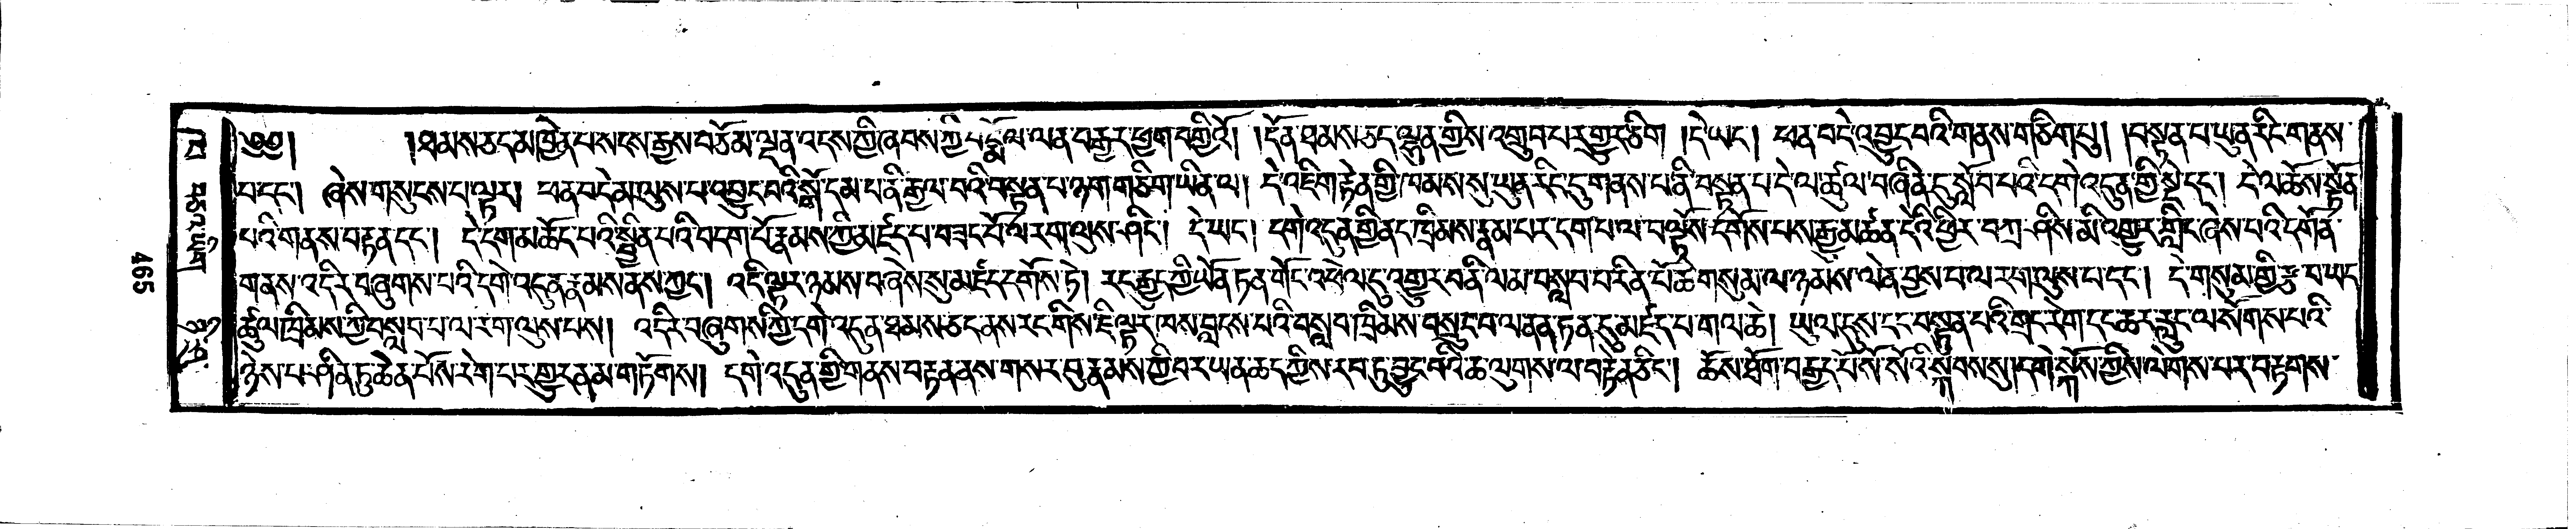༄༅། །ཐམས་ཅད་མཁྱེན་པ་སངས་རྒྱས་བཅོམ་ལྡན་འདས་ཀྱི་ཞབས་ཀྱི་པདམོ་ལ་ལན་བརྒྱར་ཕྱག་བགྱིའོ། །དོན་ཐམས་ཅད་ལྷུན་གྱིས་འགྲུབ་པར་གྱུར་ཅིག །དེ་ཡང་། ཕན་བདེ་འབྱུང་བའི་གནས་གཅིག་པུ། །བསྟན་པ་ཡུན་རིང་གནས་
པ་དང་། ཞེས་གསུངས་པ་ལྟར། ཕན་བདེ་མ་ལུས་པ་འབྱུང་བའི་སྒོ་དམ་པ་ནི་རྒྱལ་བའི་བསྟན་པ་ཉག་གཅིག་ཡིན་ལ། དེ་འཇིག་རྟེན་གྱི་ཁམས་སུ་ཡུན་རིང་དུ་གནས་པ་ནི་བསྟན་པ་དེ་ལ་ཚུལ་བཞིན་དུ་སློབ་པའི་དགེ་འདུན་གྱི་སྡེ་དང་། དེ་ལ་ཆོས་སྟོན་
པའི་གནས་བརྟན་དང་། དེ་དག་མཆོད་པའི་སྦྱིན་པའི་བདག་པོ་རྣམས་ཀྱི་མཛད་པ་བཟང་པོ་ལ་རག་ལུས་ཤིང་། དེ་ཡང་། དགེ་འདུན་གྱི་ནང་ཁྲིམས་རྣམ་པར་དག་པ་ལ་བལྟོས་དགོས་པས་རྒྱུ་མཚན་དེའི་ཕྱིར་བཀྲ་ཤིས་མི་འགྱུར་གླིང་ཞེས་པའི་དགོན་
གནས་འདིར་བཞུགས་པའི་དགེ་འདུན་རྣམས་ནས་ཀྱང་། འདི་ལྟར་ཉམས་བཞེས་སུ་མཛད་དགོས་ཏེ། རང་རྒྱུད་ཀྱི་ཡོན་ཏན་གོང་འཕེལ་དུ་འགྱུར་བ་ནི་ལམ་བསླབ་པ་རིན་པོ་ཆེ་གསུམ་ལ་ཉམས་ལེན་བྱས་པ་ལ་རག་ལུས་པ་དང་། དེ་གསུམ་གྱི་རྩ་བ་ཡང་
ཚུལ་ཁྲིམས་ཀྱི་བསླབ་པ་ལ་རག་ལུས་པས། འདིར་བཞུགས་ཀྱི་དགེ་འདུན་ཐམས་ཅད་ནས་རང་གིས་ཇི་ལྟར་ཁས་བླངས་པའི་བསླབ་ཁྲིམས་བསྲུང་བ་ལ་ནན་ཏན་དུ་མཛད་པ་གལ་ཆེ། ཡུལ་དུས་དང་བསྟུན་པའི་གྲང་རེག་དང་ཆར་རླུང་ལ་སོགས་པའི་
ཉེས་པ་ཤིན་ཏུ་ཆེན་པོས་རེག་པར་གྱུར་ན་མ་གཏོགས། དགེ་འདུན་གྱི་གནས་བརྟན་ནས་གསར་བུ་རྣམས་ཀྱི་བར་ཡན་ཆད་ཀྱིས་རབ་ཏུ་བྱུང་བའི་ཆ་ལུགས་ལ་བརྟེན་ཅིང་། ཆོས་ཐོག་བརྒྱད་པོ་སོ་སོའི་སྐབས་སུ། དགེ་སྐོས་ཀྱིས་ལེགས་པར་བརྟགས་